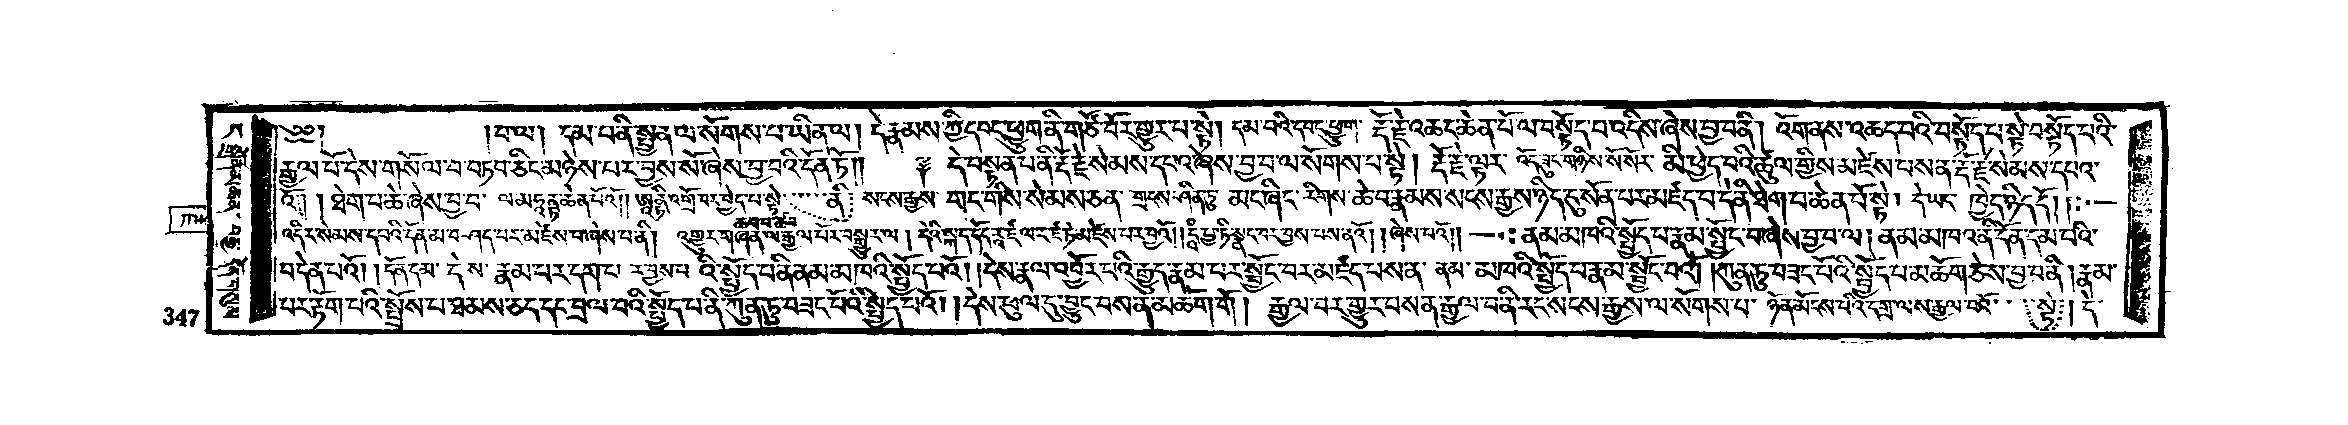༄༅། །བ་ལ། དམ་པ་ནི་སྤྱན་ལ་སོགས་པ་ཡིན་ལ། དེ་རྣམས་ཀྱི་དབང་ཕྱུག་ནི་གཙེ་བོར་གྱུར་པ་སྟེ། དམ་པའི་དབང་ཕྱུག་རྡོ་རྗེ་འཆང་ཆེན་པོ་ལ་བསྟོད་པ་འདིས་ཞེས་བྱ་བ་ནི། འོག་ནས་འཆད་པའི་བསྟོད་པ་སྟེ་བསྟོད་པའི་
རྒྱལ་པོ་དེས་གསོལ་བ་བཏབ་ཅིང་མཉེས་པར་བྱས་སོ་ཞེས་བྱ་བའི་དོན་ཏོ།། ༈ དེ་བསྟན་པ་ནི་རྡོ་རྗེ་སེམས་དཔའ་ཞེས་བྱ་བ་ལ་སོགས་པ་སྟེ། རྡོ་རྗེ་ལྟར་འོད་ཟུང་གཉིས་སོ་སོར་མི་ཕྱེད་པའི་ཚུལ་གྱིས་མཛེས་པས་ན་རྡོ་རྗེ་སེམས་དཔའ་
འོ། །ཐེག་པ་ཆེ་ཞེས་བྱ་བ་ལ་མཧཱནྟ་ཆེན་པོའོ། །ཨའྣྟི་འགྲོ་བར་བྱེད་པ་སྟེ་ནི་སངས་རྒྱས་གང་གིས་སེམས་ཅན་གྲངས་ཤིན་ཏུ་མང་ཞིང་རིགས་ཆེ་བ་རྣམས་སངས་རྒྱས་ཉིད་དུ་སོན་པར་མཛད་པ་དེ་ནི་ཐེག་པ་ཆེན་པོ་སྟེ། དེ་ཡང་ཁྱེད་ཉིད་དོ།། H.
འདིར་སེམས་དཔའི་དོན་མ་བཤད་པར་མཛེས་པ་ཞེས་པ་ནི། འགྱུར་གཞན་ལ་རྒྱལ་པོར་བསྒྱུརླ། དེའི་སྐད་དོད་རཱ་ཛལ་ར་ཛ་ཏེ་མཛེས་པར་བྱའོ། །དཱཾ་པྱ་ཏི་སྣང་བར་བྱས་པས་ནའོ། །ཞེས་པའོ།། .H ནམ་མཁའི་སྤྱོད་པ་རྣམ་སྦྱོང་བ་ཞེས་བྱ་བ་ལ། ནམ་མཁའ་ནི་དོན་དམ་པའི་
བདེན་པའོ། ། དོན་དམ་དེས་རྣམ་པར་དག་པར་བྱས་པའི་སྤྱོད་པ་ནི་ནམ་མཁའི་སྤྱོད་པའོ། །དེས་རྣལ་འབྱོར་པའི་རྒྱུད་རྣམ་པར་སྦྱོང་བར་མཛད་པས་ན་ནམ་མཁའི་སྤྱོད་པ་རྣམ་སྦྱོང་བའོ། །ཀུན་ཏུ་བཟང་པོའི་སྤྱོད་པ་མཆོག་ཅེས་བྱ་བ་ནི། རྣམ་
པར་རྟོག་པའི་སྤྲོས་པ་ཐམས་ཅད་དང་བྲལ་བའི་སྤྱོད་པ་ནི་ཀུན་ཏུ་བཟང་པོའི་སྤྱོད་པའོ། །དེས་ཕུལ་དུ་བྱུང་བས་ན་མཆོག་གོ །རྒྱལ་བར་གྱུར་པས་ན་རྒྱལ་བ་ནི་རང་སངས་རྒྱས་ལ་སོགས་པ་ཉོན་མོངས་པའི་དགྲ་ལས་རྒྱལ་པའོ་སྟེ། དེ་